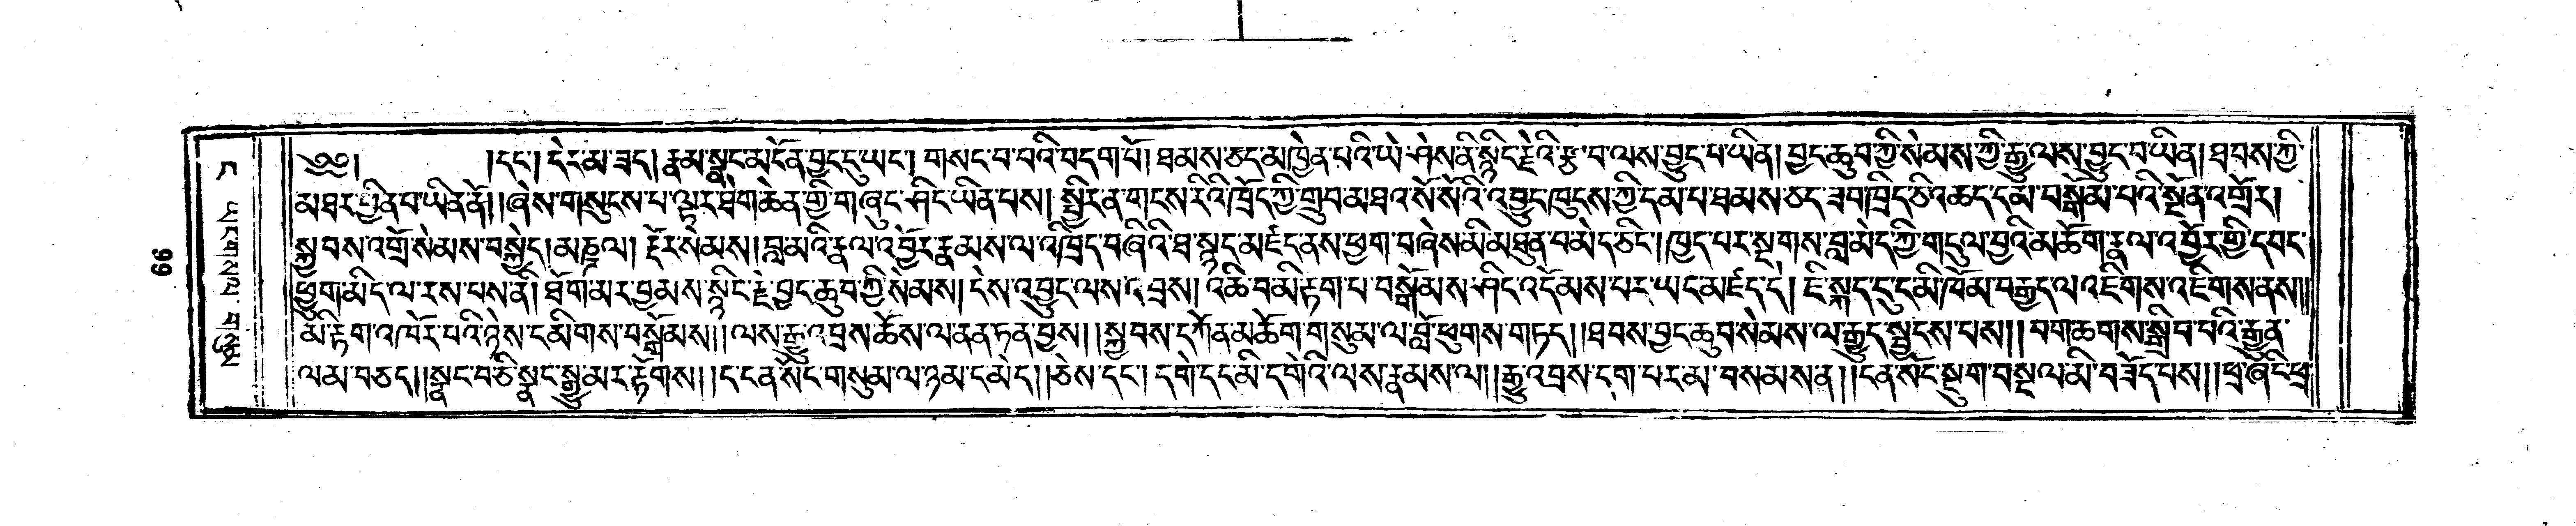༄༅། །དང་། དེར་མ་ཟད། རྣམ་སྣང་མངོན་བྱང་དུ་ཡང་། གསང་བ་པའི་བདག་པོ། ཐམས་ཅད་མཁྱེན་པའི་ཡེ་ཤེས་ནི་སྙིང་རྗེའི་རྩ་བ་ལས་བྱུང་བ་ཡིན། བྱང་ཆུབ་ཀྱི་སེམས་ཀྱི་རྒྱུ་ལས་བྱུང་བ་ཡིན། ཐབས་ཀྱི་
མཐར་ཕྱིན་པ་ཡིན་ནོ། །ཞེས་གསུངས་པ་ལྟར་ཐེག་ཆེན་གྱི་གཞུང་ཤིང་ཡིན་པས། སྤྱིར་ན་གངས་རིའི་ཁྲོད་ཀྱི་གྲུབ་མཐའ་སོ་སོའི་འབྱུང་ཁུངས་ཀྱི་དམ་པ་ཐམས་ཅད་ཟབ་ཁྲིད་ཅི་འཆད་དམ་བསྒོམ་པའི་སྔོན་འགྲོར།
སྐྱབས་འགྲོ་སེམས་བསྐྱེད། མཎྜལ། རྡོར་སེམས། བླ་མའི་རྣལ་འབྱོར་རྣམས་ལ་འཁྲིད་བཞིའི་ཐ་སྙད་མཛད་ནས་ཕྱག་བཞེས་མི་མཐུན་པ་མེད་ཅིང་། ཁྱད་པར་སྔགས་བླ་མེད་ཀྱི་གདུལ་བྱའི་མཆོག་རྣལ་འབྱོར་གྱི་དབང་
ཕྱུག་མིད་ལ་རས་པས་ནི། ཐོག་མར་བྱམས་སྙིང་རྗེ་བྱང་ཆུབ་ཀྱི་སེམས། ངེས་འབྱུང་ལས་འབྲས། འཆི་བ་མི་རྟག་པ་བསྒོམས་ཤིང་འདོམས་པར་ཡང་མཛད་དེ། ཇི་སྐད་དུ་ང་མི་ཁོམ་བརྒྱད་ལ་འཇིགས་འཇིགས་ནས། །
མི་རྟག་འཁོར་བའི་ཉེས་དམིགས་བསྒོམས། །ལས་རྒྱུ་འབྲས་ཆོས་ལ་ནན་ཏན་བྱས། །སྐྱབས་དཀོན་མཆོག་གསུམ་ལ་བློ་ཕུགས་གཏད། །ཐབས་བྱང་ཆུབ་སེམས་ལ་རྒྱུད་སྦྱངས་པས། །བག་ཆགས་སྒྲིབ་པའི་རྒྱུན་
ལམ་བཅད། །སྣང་བ་ཅི་སྣང་སྒྱུ་མར་རྟོགས། །ད་ངན་སོང་གསུམ་ལ་ཉམ་ང་མེད། །ཅེས་དང་། དགེ་དང་མི་དགེའི་ལས་རྣམས་ལ། །རྒྱུ་འབྲས་དག་པར་མ་བསམས་ན། །ངན་སོང་སྡུག་བསྔལ་མི་བཟོད་པས། །ཕྲ་ཞིང་ཕྲ་